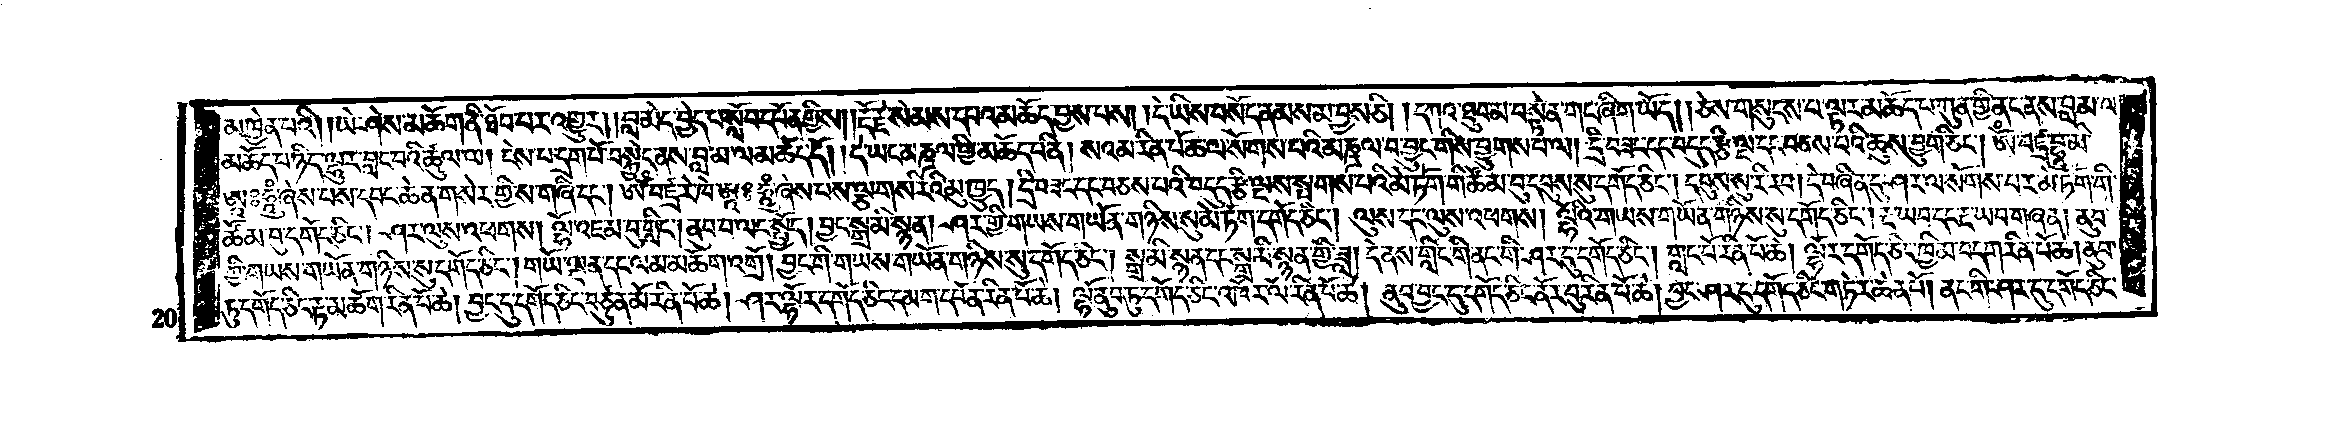མཁྱེན་པའི། །ཡེ་ཤེས་མཆོག་ནི་ཐོབ་པར་འགྱུར། །བླ་མེད་བྱེད་པ་སློབ་དཔོན་གྱིས། རྡོ་རྗེ་སེམས་དཔའ་མཆོད་བྱས་པས། །དེ་ཡིས་བསོད་ནམས་མ་བྱས་ཅི། །དཀའ་ཐུབ་མ་བསྟེན་གང་ཞིག་ཡོད། །ཅེས་གསུངས་པ་ལྟར་མཆོད་པ་ཀུན་གྱི་ནང་ནས་བླ་མ་ལ་
མཆོད་པ་ཉིད་ལྷུར་བླང་བའི་ཚུལ་ལ། ངེས་པ་དྲག་པོ་བསྐྱེད་ནས་བླ་མ་ལ་མཆོད་དོ། །དེ་ཡང་མཎྜལ་གྱི་མཆོད་པ་ནི། སའམ་རིན་པོ་ཆེ་ལ་སོགས་པའི་མཎྜལ་བ་བྱུང་གིས་བྱུགས་པ་ལ། དྲི་བཟང་དང་བདུད་རྩི་ལྔ་དང་བཅས་པའི་ཆུས་བྱུག་ཅིང་། ཨོཾ་བཛྲ་བྷཱུ་མི་
ཨཱཿ ཧཱུཾ་ཞེས་པས་དབང་ཆེན་གསེར་གྱི་ས་གཞི་དང་། ཨོཾ་བཛྲ་རེ་ཁེ་ཨཱཿ ཧཱུཾ་ཞེས་པས་ལྕགས་རིའི་མུ་ཁྱུད། དྲི་བཟང་དང་བཅས་པའི་བདུད་རྩི་ལྔས་སྤགས་པའི་མེ་ཏོག་གི་ཚོམ་བུ་དབུས་སུ་དགོད་ཅིང་། དབུས་སུ་རི་རབ། དེ་བཞིན་དུ་ཤར་ལ་སོགས་པར་མེ་ཏོག་གི་
ཚོམ་བུ་དགོད་ཅིང་། ཤར་ལུས་འཕགས། ལྷོ་འཛམ་བུ་གླིང་། ནུབ་བ་ལང་སྤྱོད། བྱང་སྒྲ་མི་སྙན། ཤར་གྱི་གཡས་གཡོན་གཉིས་སུ་མེ་ཏོག་དགོད་ཅིང་། ལུས་དང་ལུས་འཕགས། ལྷོའི་གཡས་གཡོན་གཉིས་སུ་དགོད་ཅིང་། རྔ་ཡབ་དང་རྔ་ཡབ་གཞན། ནུབ་
ཀྱི་གཡས་གཡོན་གཉིས་སུ་དགོད་ཅིང་། གཡོ་ལྡན་དང་ལམ་མཆོག་འགྲོ། བྱང་གི་གཡས་གཡོན་གཉིས་སུ་དགོད་ཅིང་། སྒྲ་མི་སྙན་དང་སྒྲ་མི་སྙན་གྱི་ཟླ། དེ་ནས་གླིང་གི་ནང་གི་ཤར་དུ་དགོད་ཅིང་། གླང་པོ་རིན་པོ་ཆེ། ལྷོར་དགོད་ཅིང་ཁྱིམ་བདག་རིན་པོ་ཆེ། ནུབ་
ཏུ་དགོད་ཅིང་རྟ་མཆོག་རིན་པོ་ཆེ། བྱང་དུ་དགོད་ཅིང་བཙུན་མོ་རིན་པོ་ཆེ། ཤར་ལྷོར་དགོད་ཅིང་དམག་དཔོན་རིན་པོ་ཆེ། ལྷོ་ནུབ་ཏུ་དགོད་ཅིང་འཁོར་ལོ་རིན་པོ་ཆེ། ནུབ་བྱང་དུ་དགོད་ཅིང་ནོར་བུ་རིན་པོ་ཆེ། བྱང་ཤར་དུ་དགོད་ཅིང་གཏེར་ཆེན་པོ། ནང་གི་ཤར་དུ་དགོད་ཅིང་